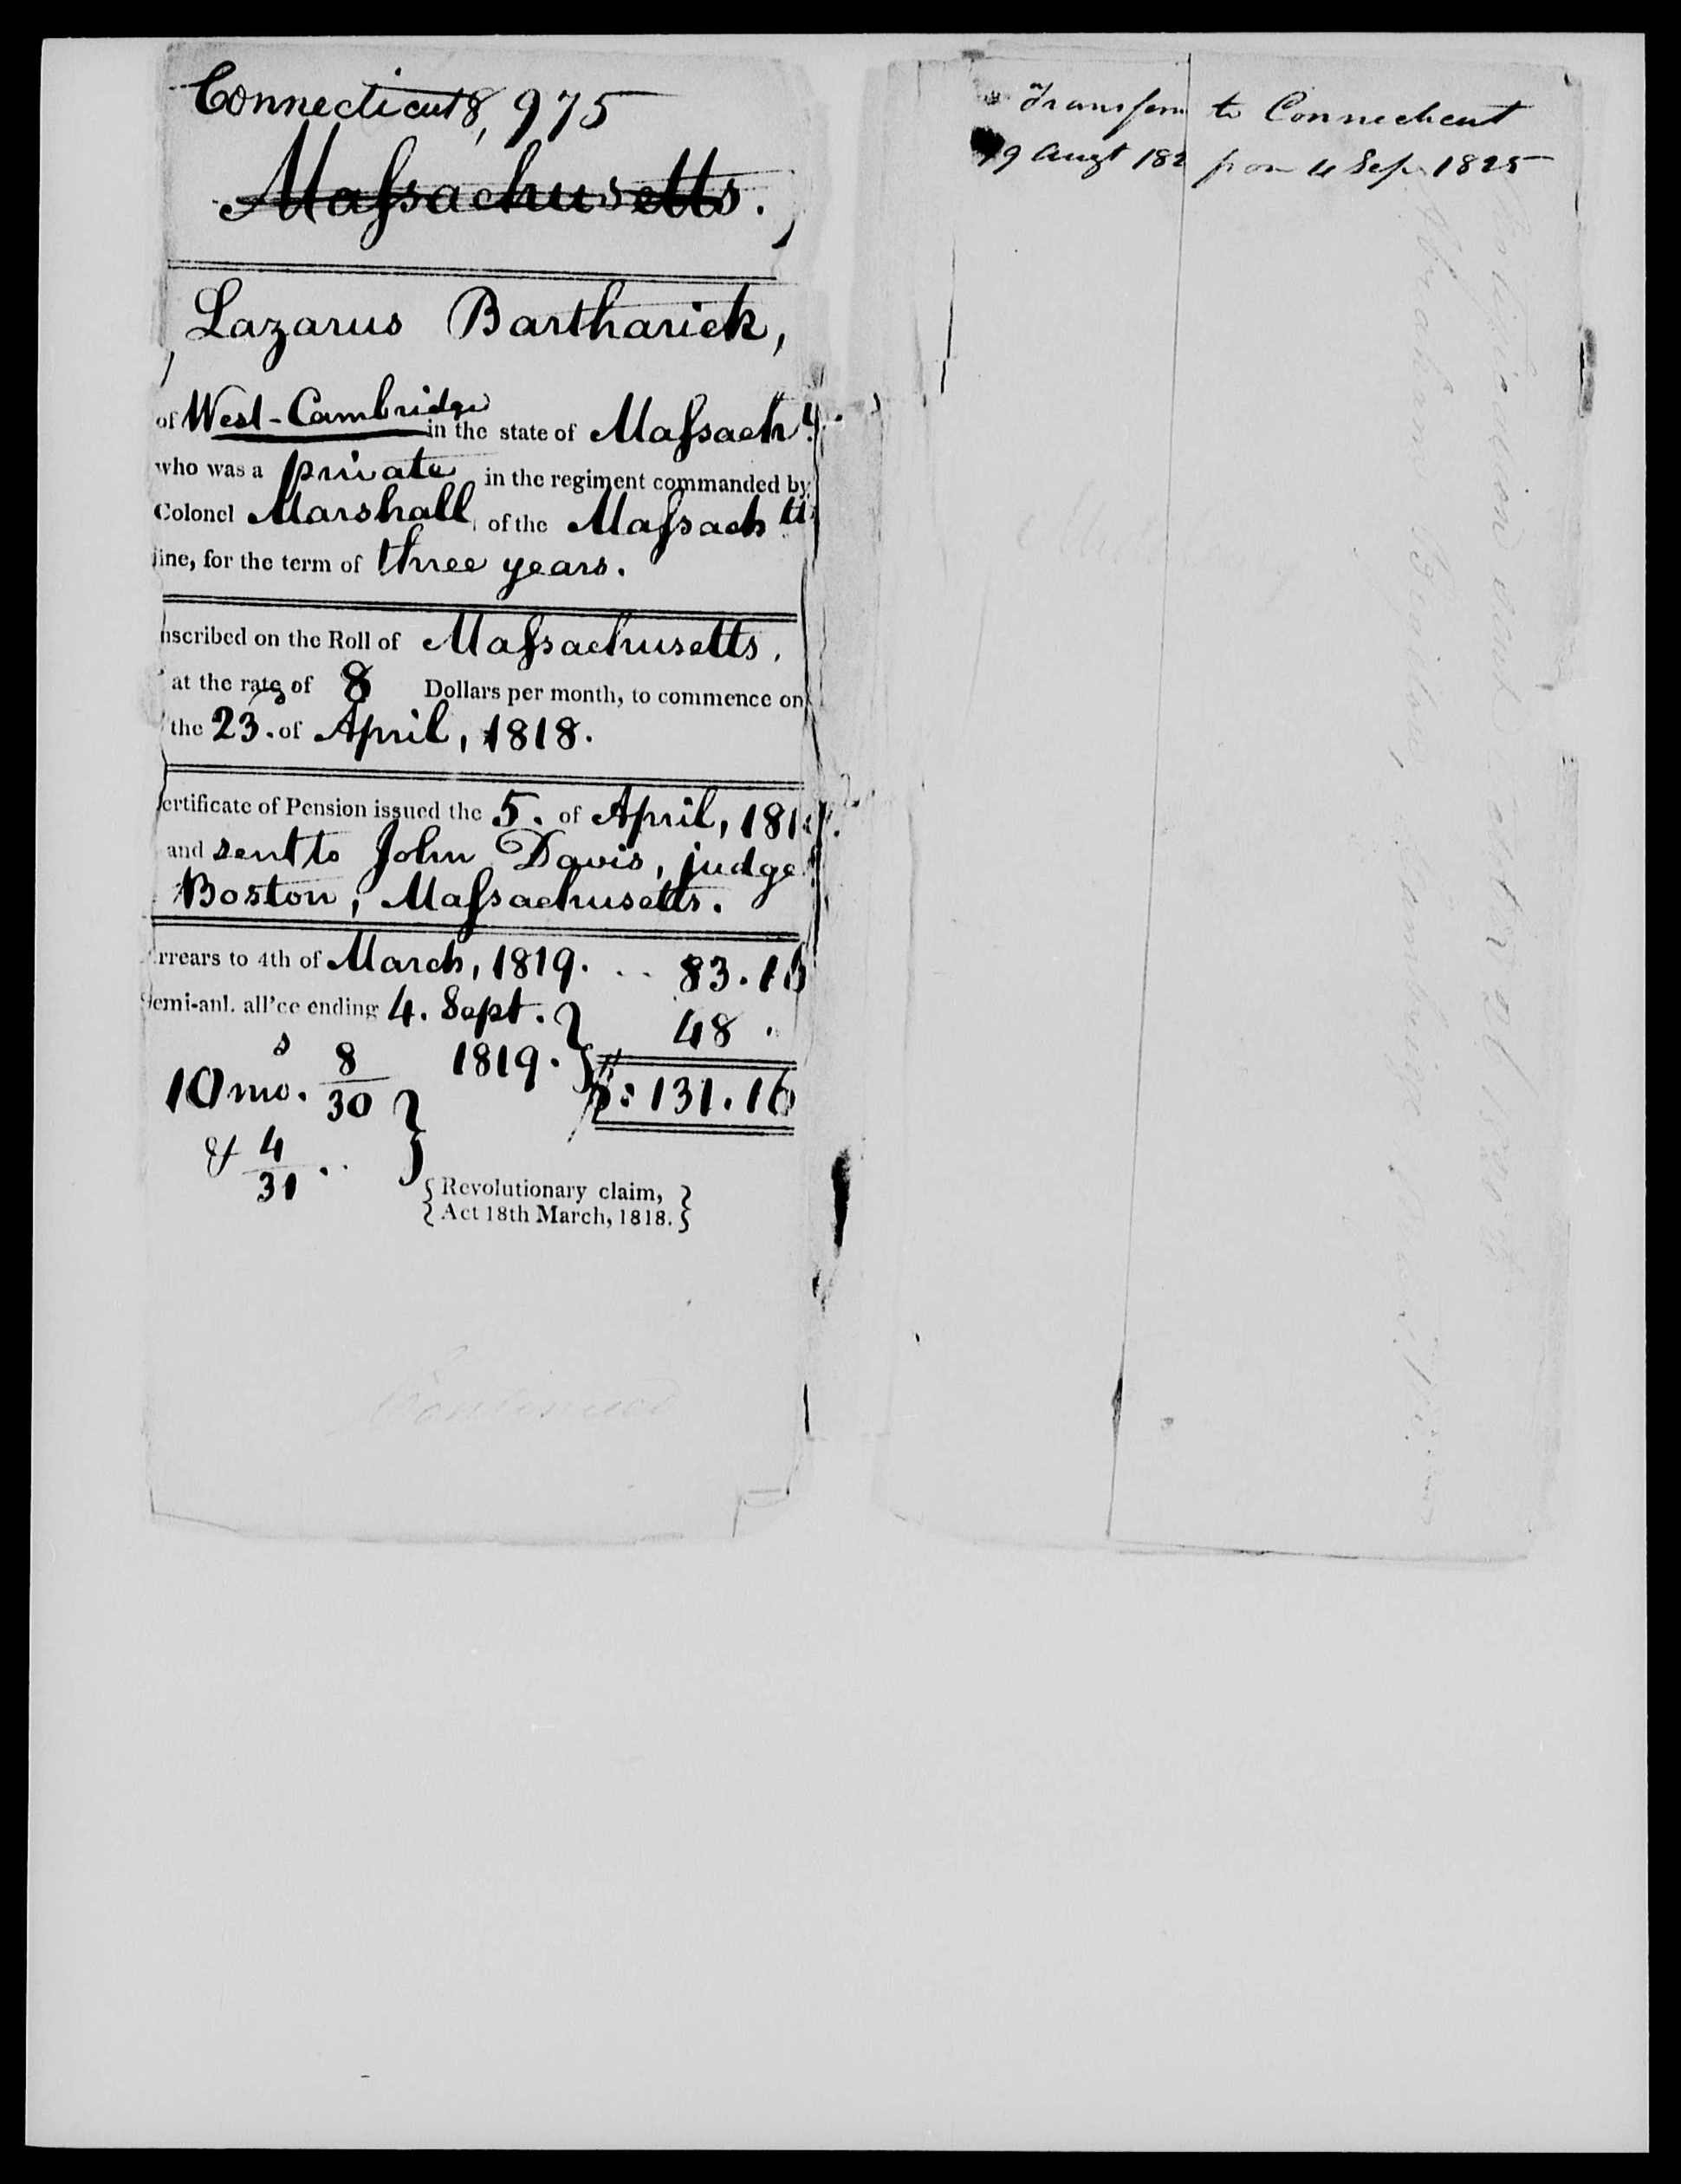[left side]
Connecticut 8,975
[crossed out]Massachusetts[/crossed out]

Lazarus Bartharick
of West-Cambridge in the state of Massach. who was a private in the regiment commanded by Colonel Marshall of the Massachtt line, for the term of three years.

Inscribed on the Roll of Massachusetts,
at the rate of 8 Dollars per month, to commence on the 23rd of April, 1818.

Certificate of Pension issued the 5. of April, 181[?] and sent to John Davis, judge, Boston, Massachusetts.

Arrears to 4th of March, 1819 . . . 83.16
Semi-anl. all'ce [allowance] ending 4 Sept. 1819 48.00
[Total] $131.16
10 mos 8/30 and 4/31

[right side] Transfer to Connecticut 19 Aug 182[?] [?] Sept 1825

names: John Davis, Marshall, Lazarus Bartharick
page: 2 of 15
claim: survivor's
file: S. 37,699, Lazarus Bartharick, Mass.